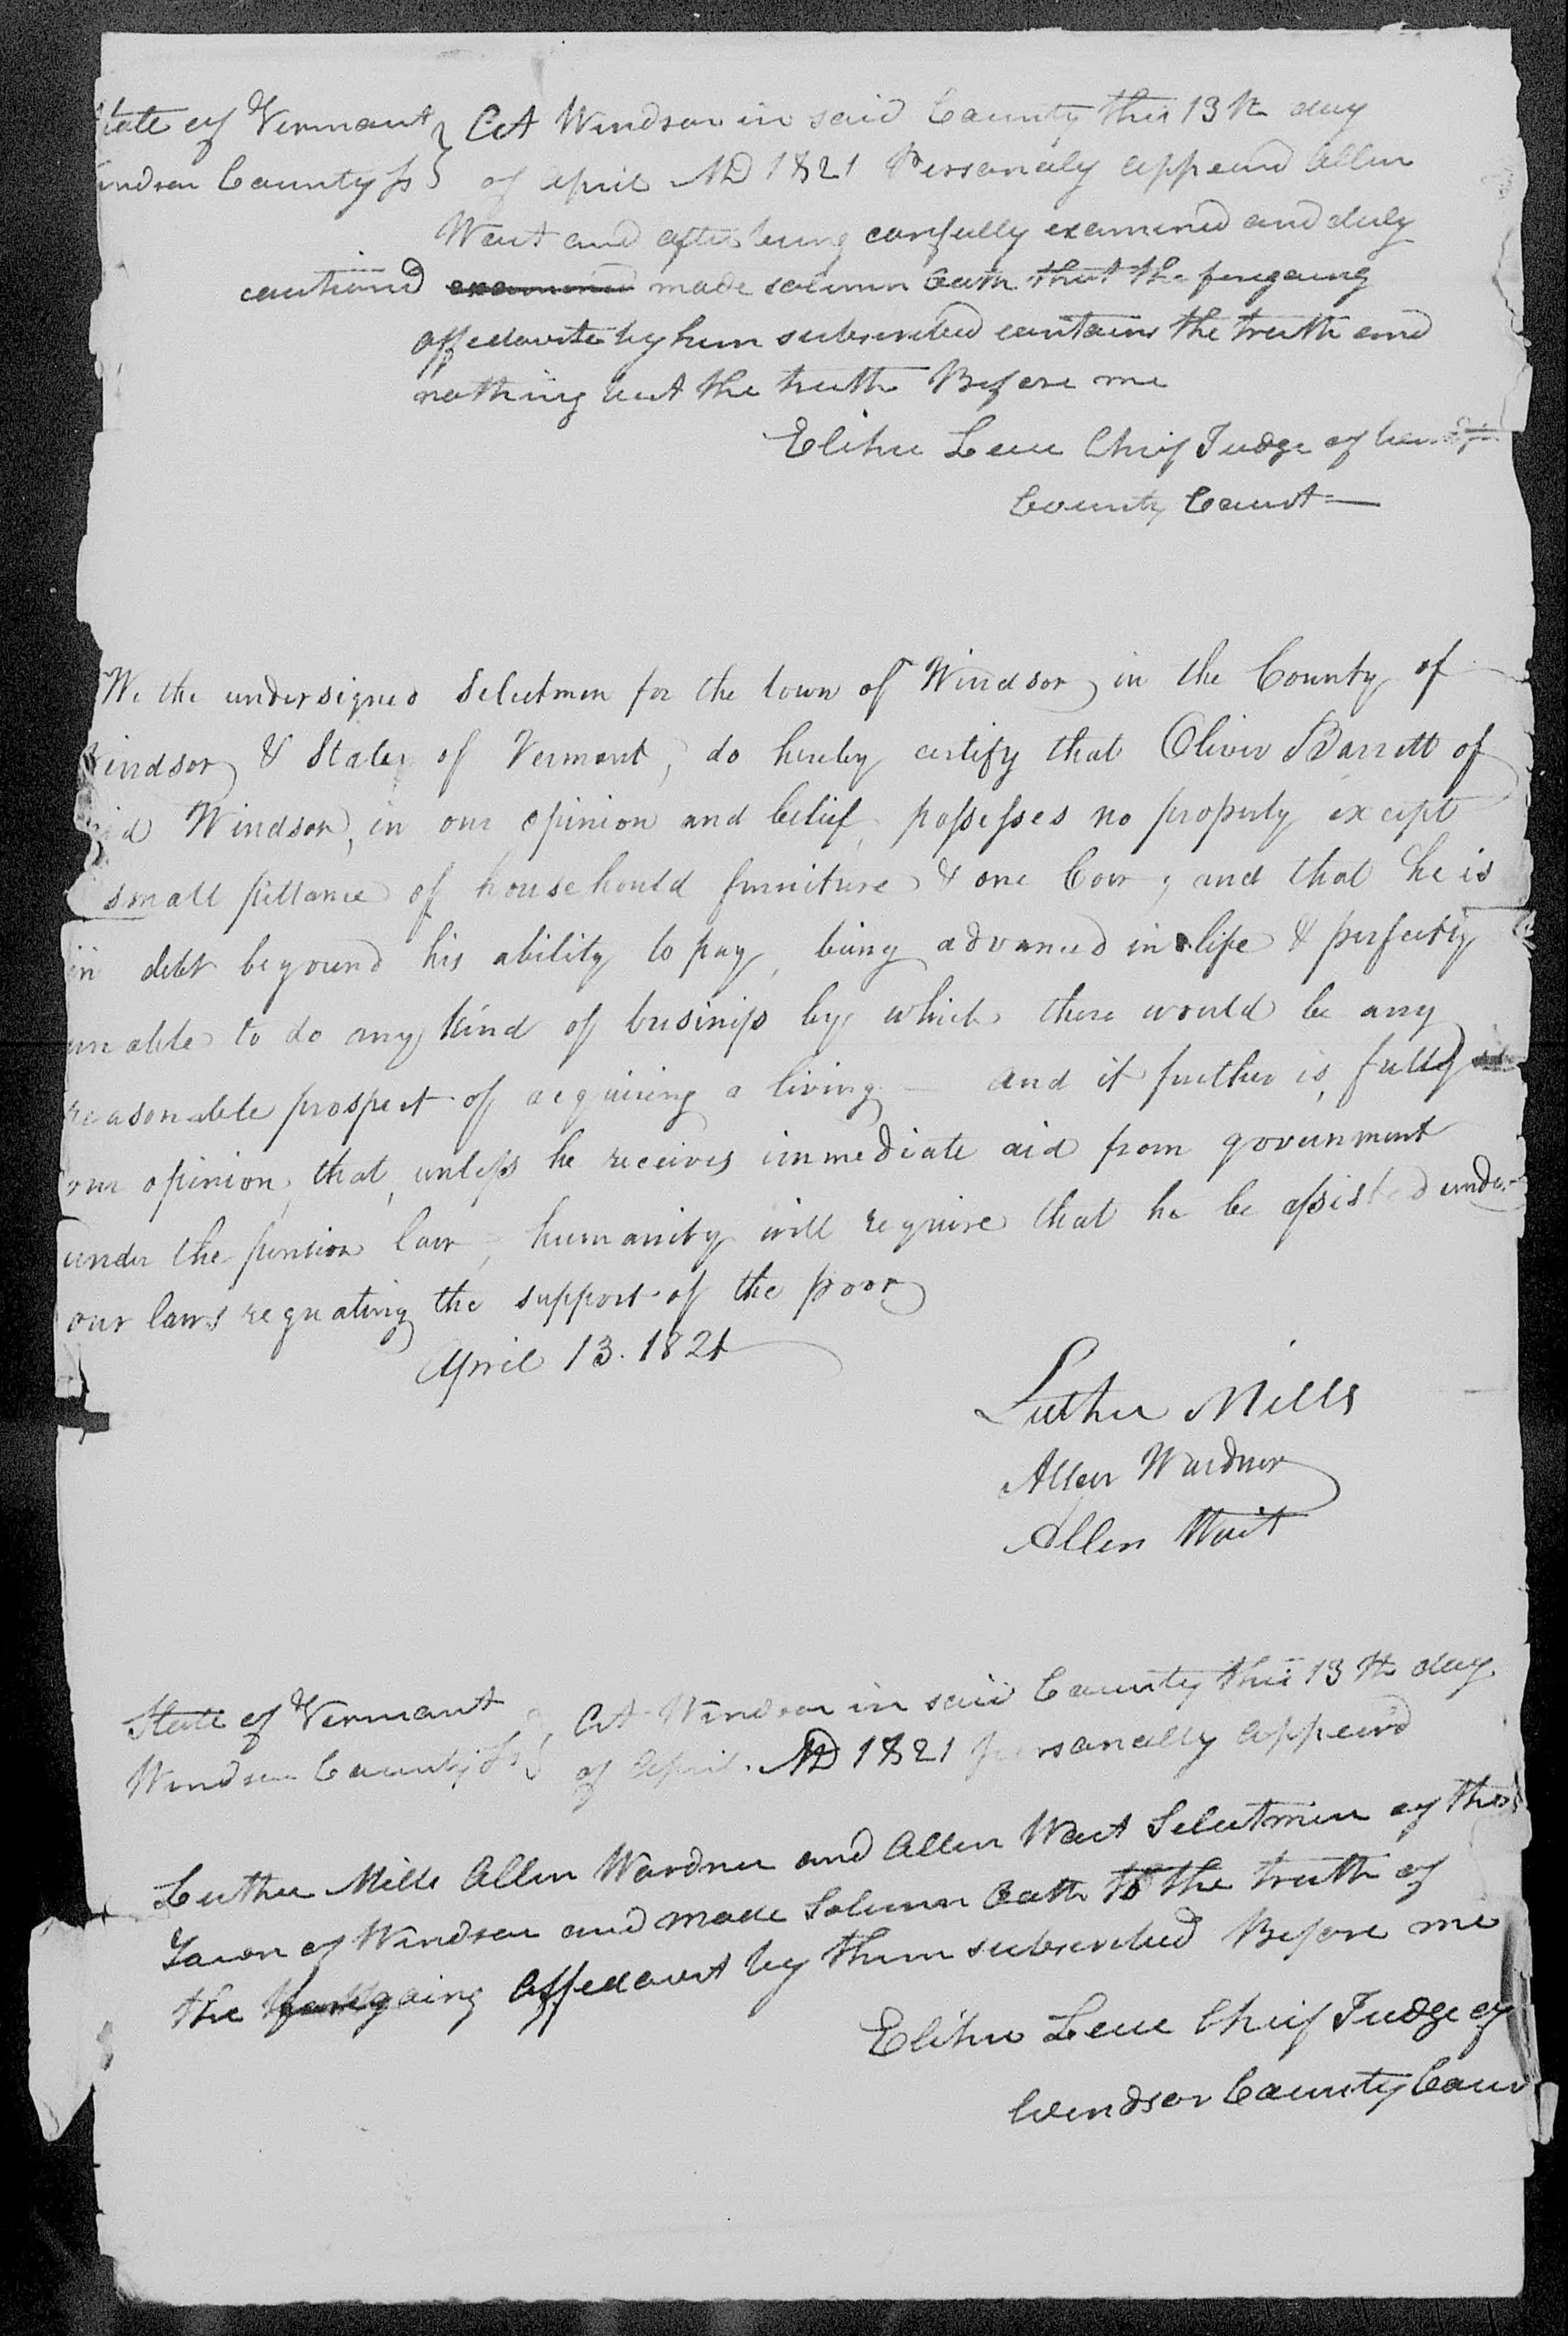State of Vermont
Windsor County ss
At Windsor in said County this 13th day of April AD 1821 personally appeared Allen Wait and after being carefully examined and duly cautioned made solemn oath that the foregoing affidavits by him subscribed contain the truth and nothing but the truth before me
Elihu Luce Chief Judge of Windsor
County Court

We the undersigned selectmen for the town of Windsor and State of Vermont, do hereby certify that Oliver Barrett of said Windsor in our opinion and belief, possesses no property except small pittance of household furniture and one cow and that he is in debt beyond his ability to pay, being advanced in life and perfectly unable to do any kind of business by which there would be any reasonable prospect of acquiring a living. And it further is fully in our opinion, that unless he receives immediate aid from government under the pension law, humanity will require that he be assisted under our laws requesting support of the poor. 
April 13 1821

Luther Mills
Allen Wardner
Allen Wait 

State of Vermont
Windsor County ss}
At Windsor in said County this 13th day of April AD 1821 personally appeared Luther Mills Allen Wardner and Allen Wait Selectmen of the town of Windsor and made solemn oath to the truth of the foregoing affidavit by them subscribed before me
Elihu Luce Chief Judge of 
Windsor County Court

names: Luther Mills, Allen Wait, Allen Wait, Oliver Barrett, Allen Wait, Luther Mills, Elihu Luce, Allen Wardner, Elihu Luce, Allen Wardner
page: 27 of 83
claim: widow's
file: W. 10,384, Oliver Barrett, Continental (Vt.) N.Y.